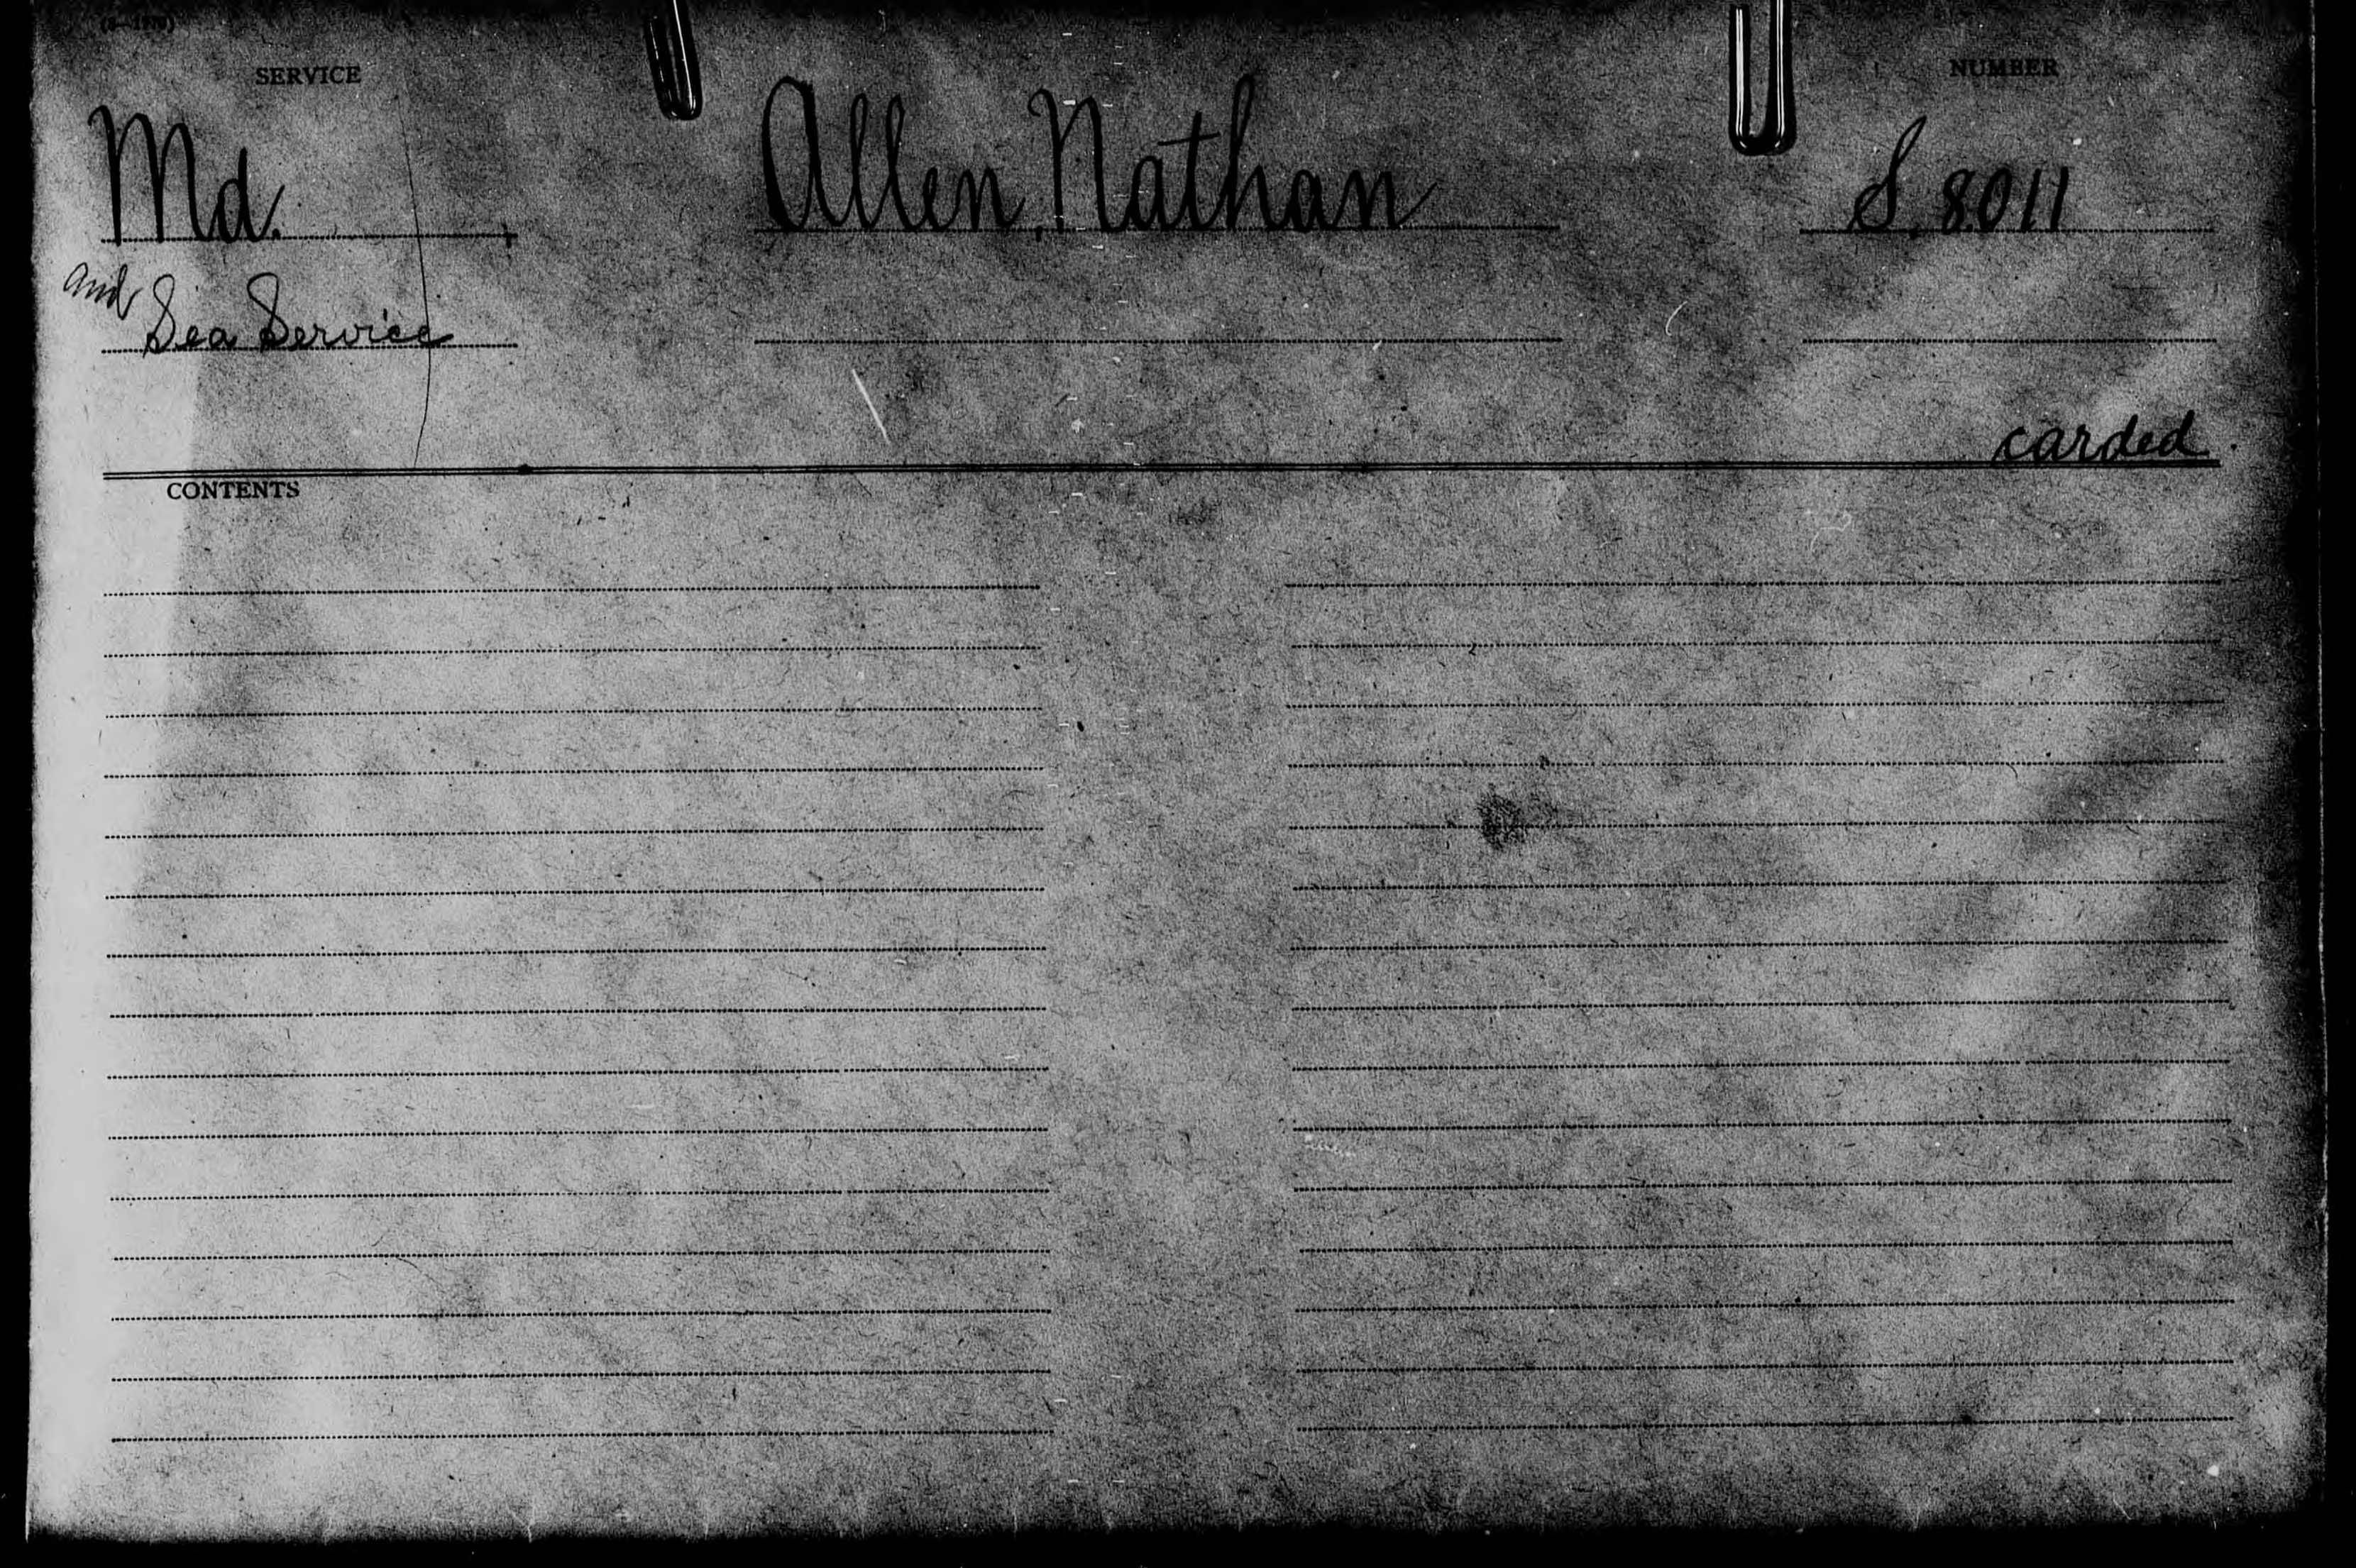Service
MD
and sea service

Allen, Nathan

Numbers
S.8011

carded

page: 1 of 14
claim: survivor's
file: S. 8,011, Nathan Allen, Md. And Sea Service